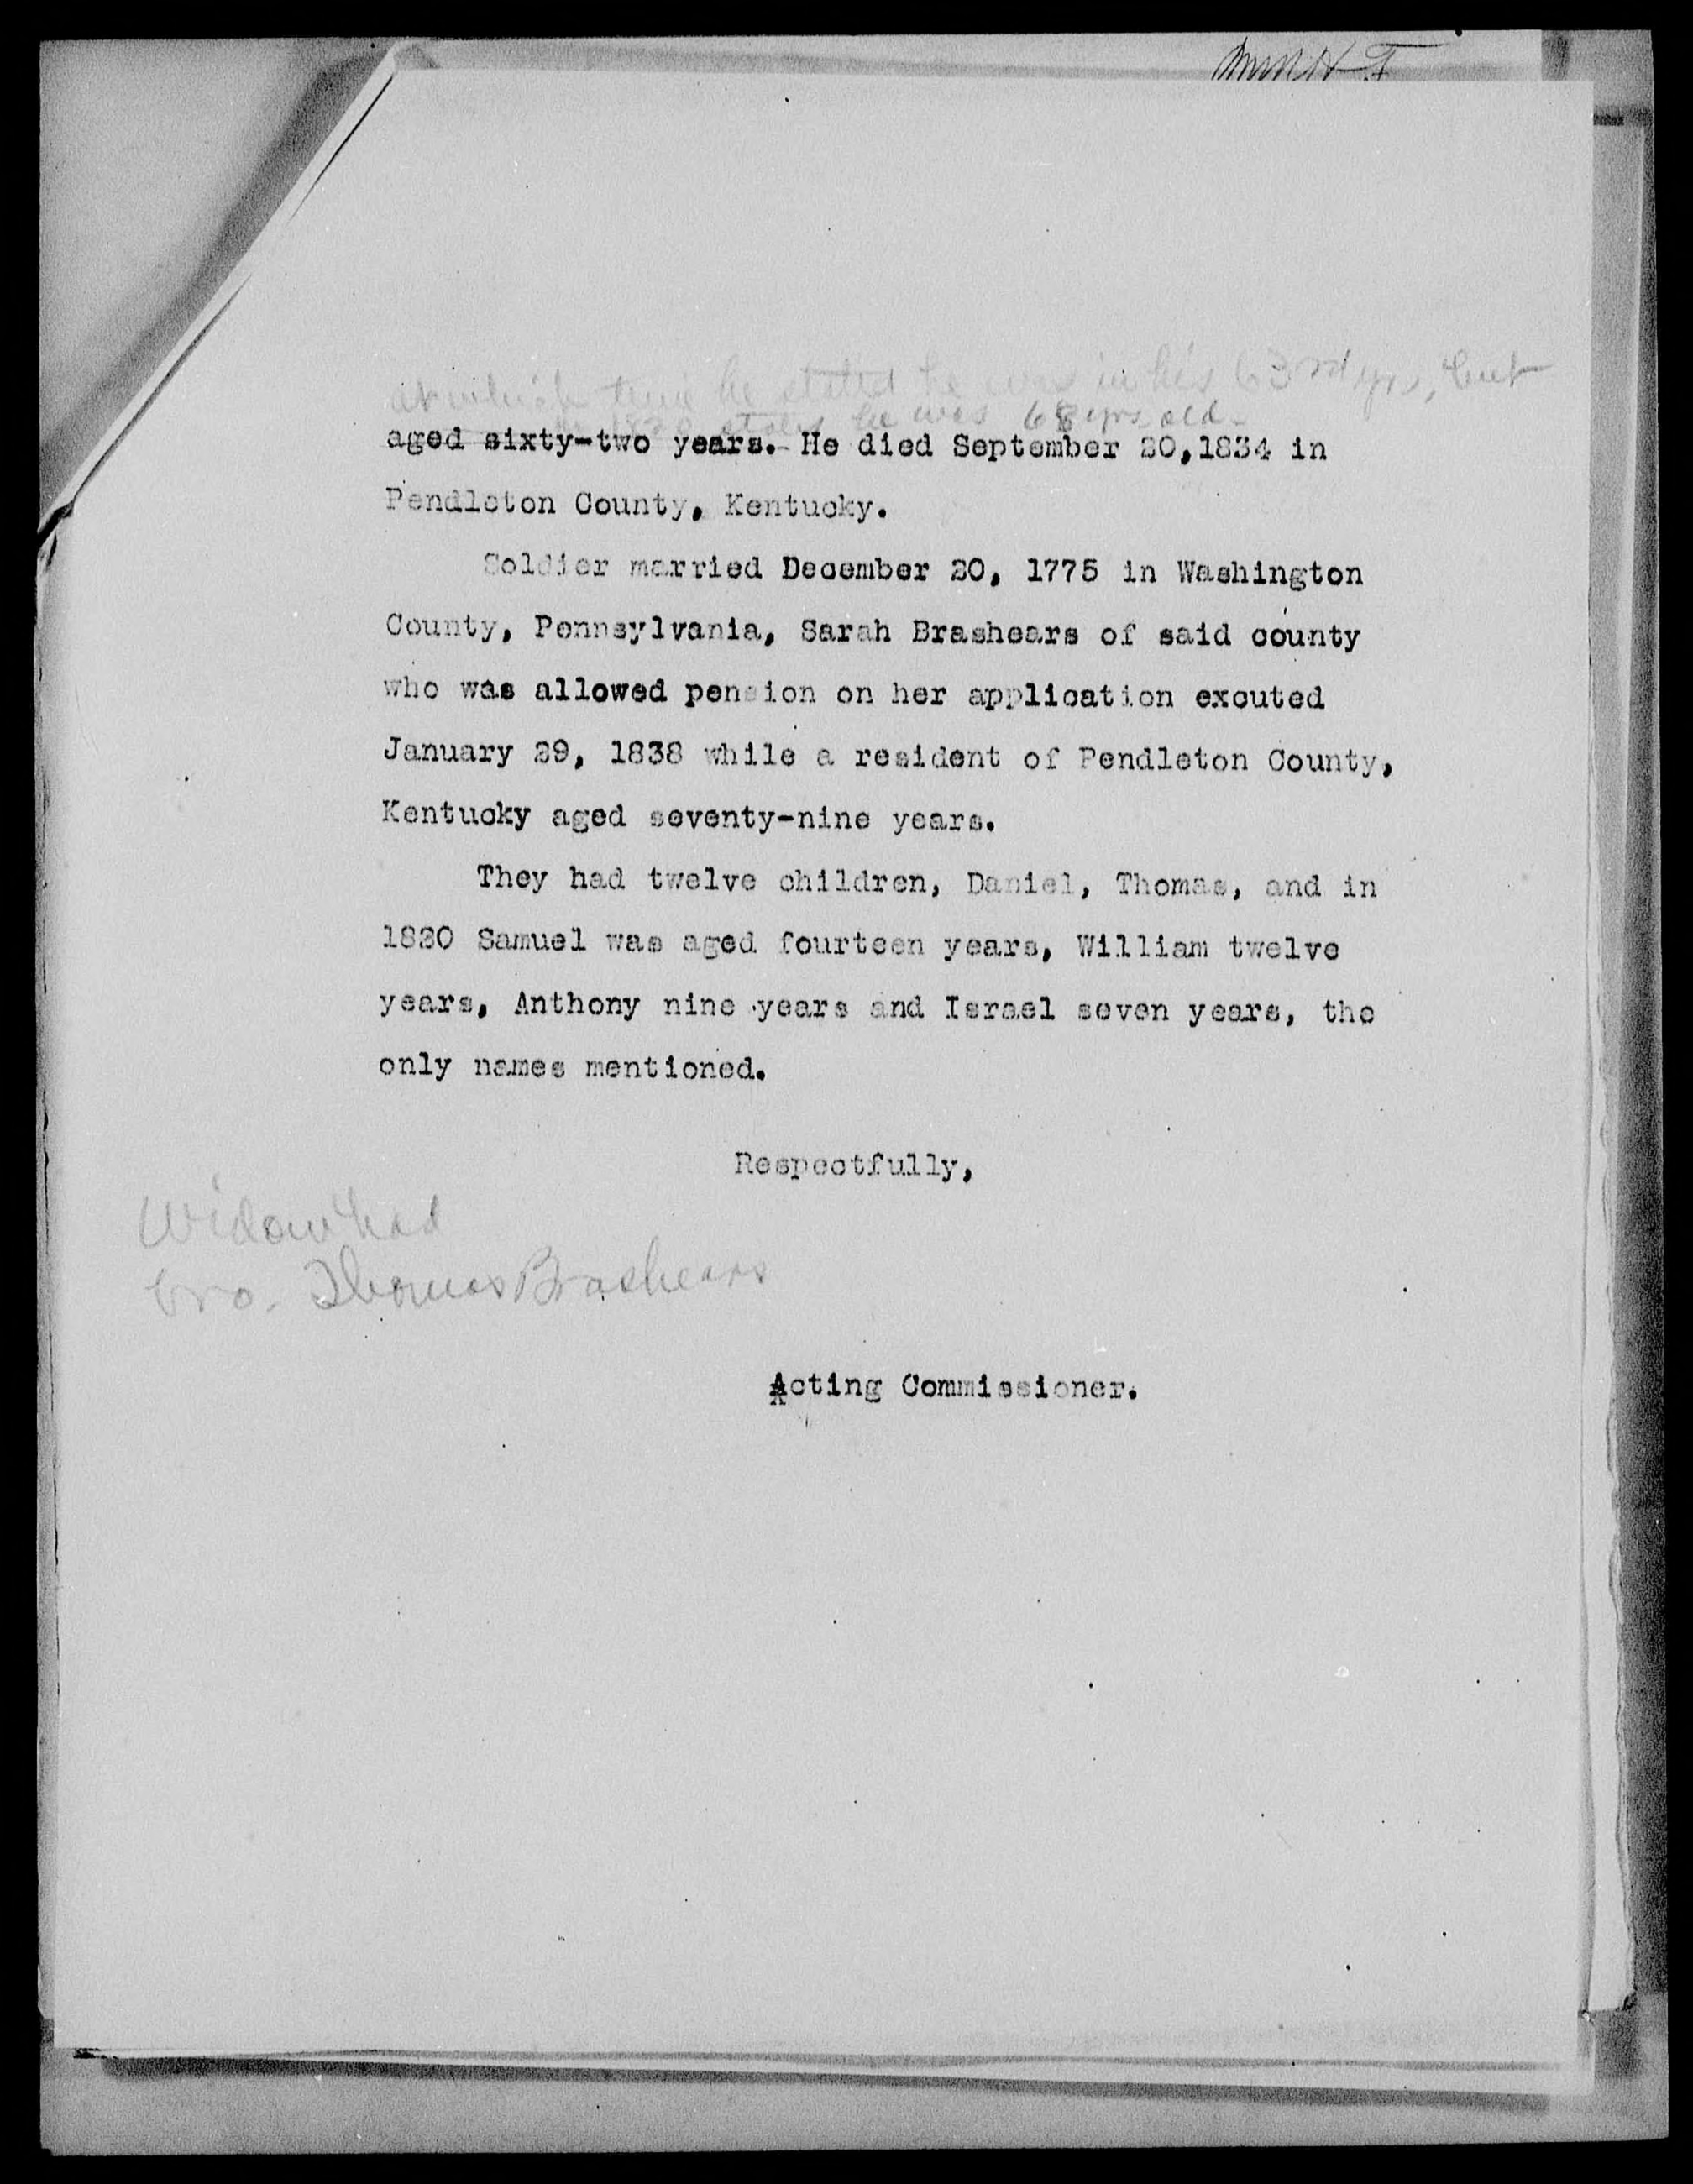Image 124     4160873_00124
Fold3 File #23857290

[continued from image 123]

[added to the letter in handwriting:] at which time he stated he was in his 63rd year, but in 1820 states that he was 68 yrs old.

[crossed out:] aged sixty-two years. [Letter resumes:] He died September 20, 1834, in Pendleton County, Kentucky.
Soldier married December 20, 1775, in Washington County, Pennsylvania, Sarah Brashears of said county. She was allowed pension on her application executed on January 29, 1838 while a resident of Pendleton County, Kentucky aged seventy-nine years. 
They had twelve children, Daniel, Thomas, and in 1820 Samuel was aged fourteen years, William twelve years, Anthony nine years, and Israel seven years, the only names mentioned.
Respectfully, 

Acting Commissioner.

[In handwriting:] 
Widow had bro. Thomas Brashears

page: 66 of 71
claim: widow's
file: W. 8428, for James Mc Gill, Pennsylvania